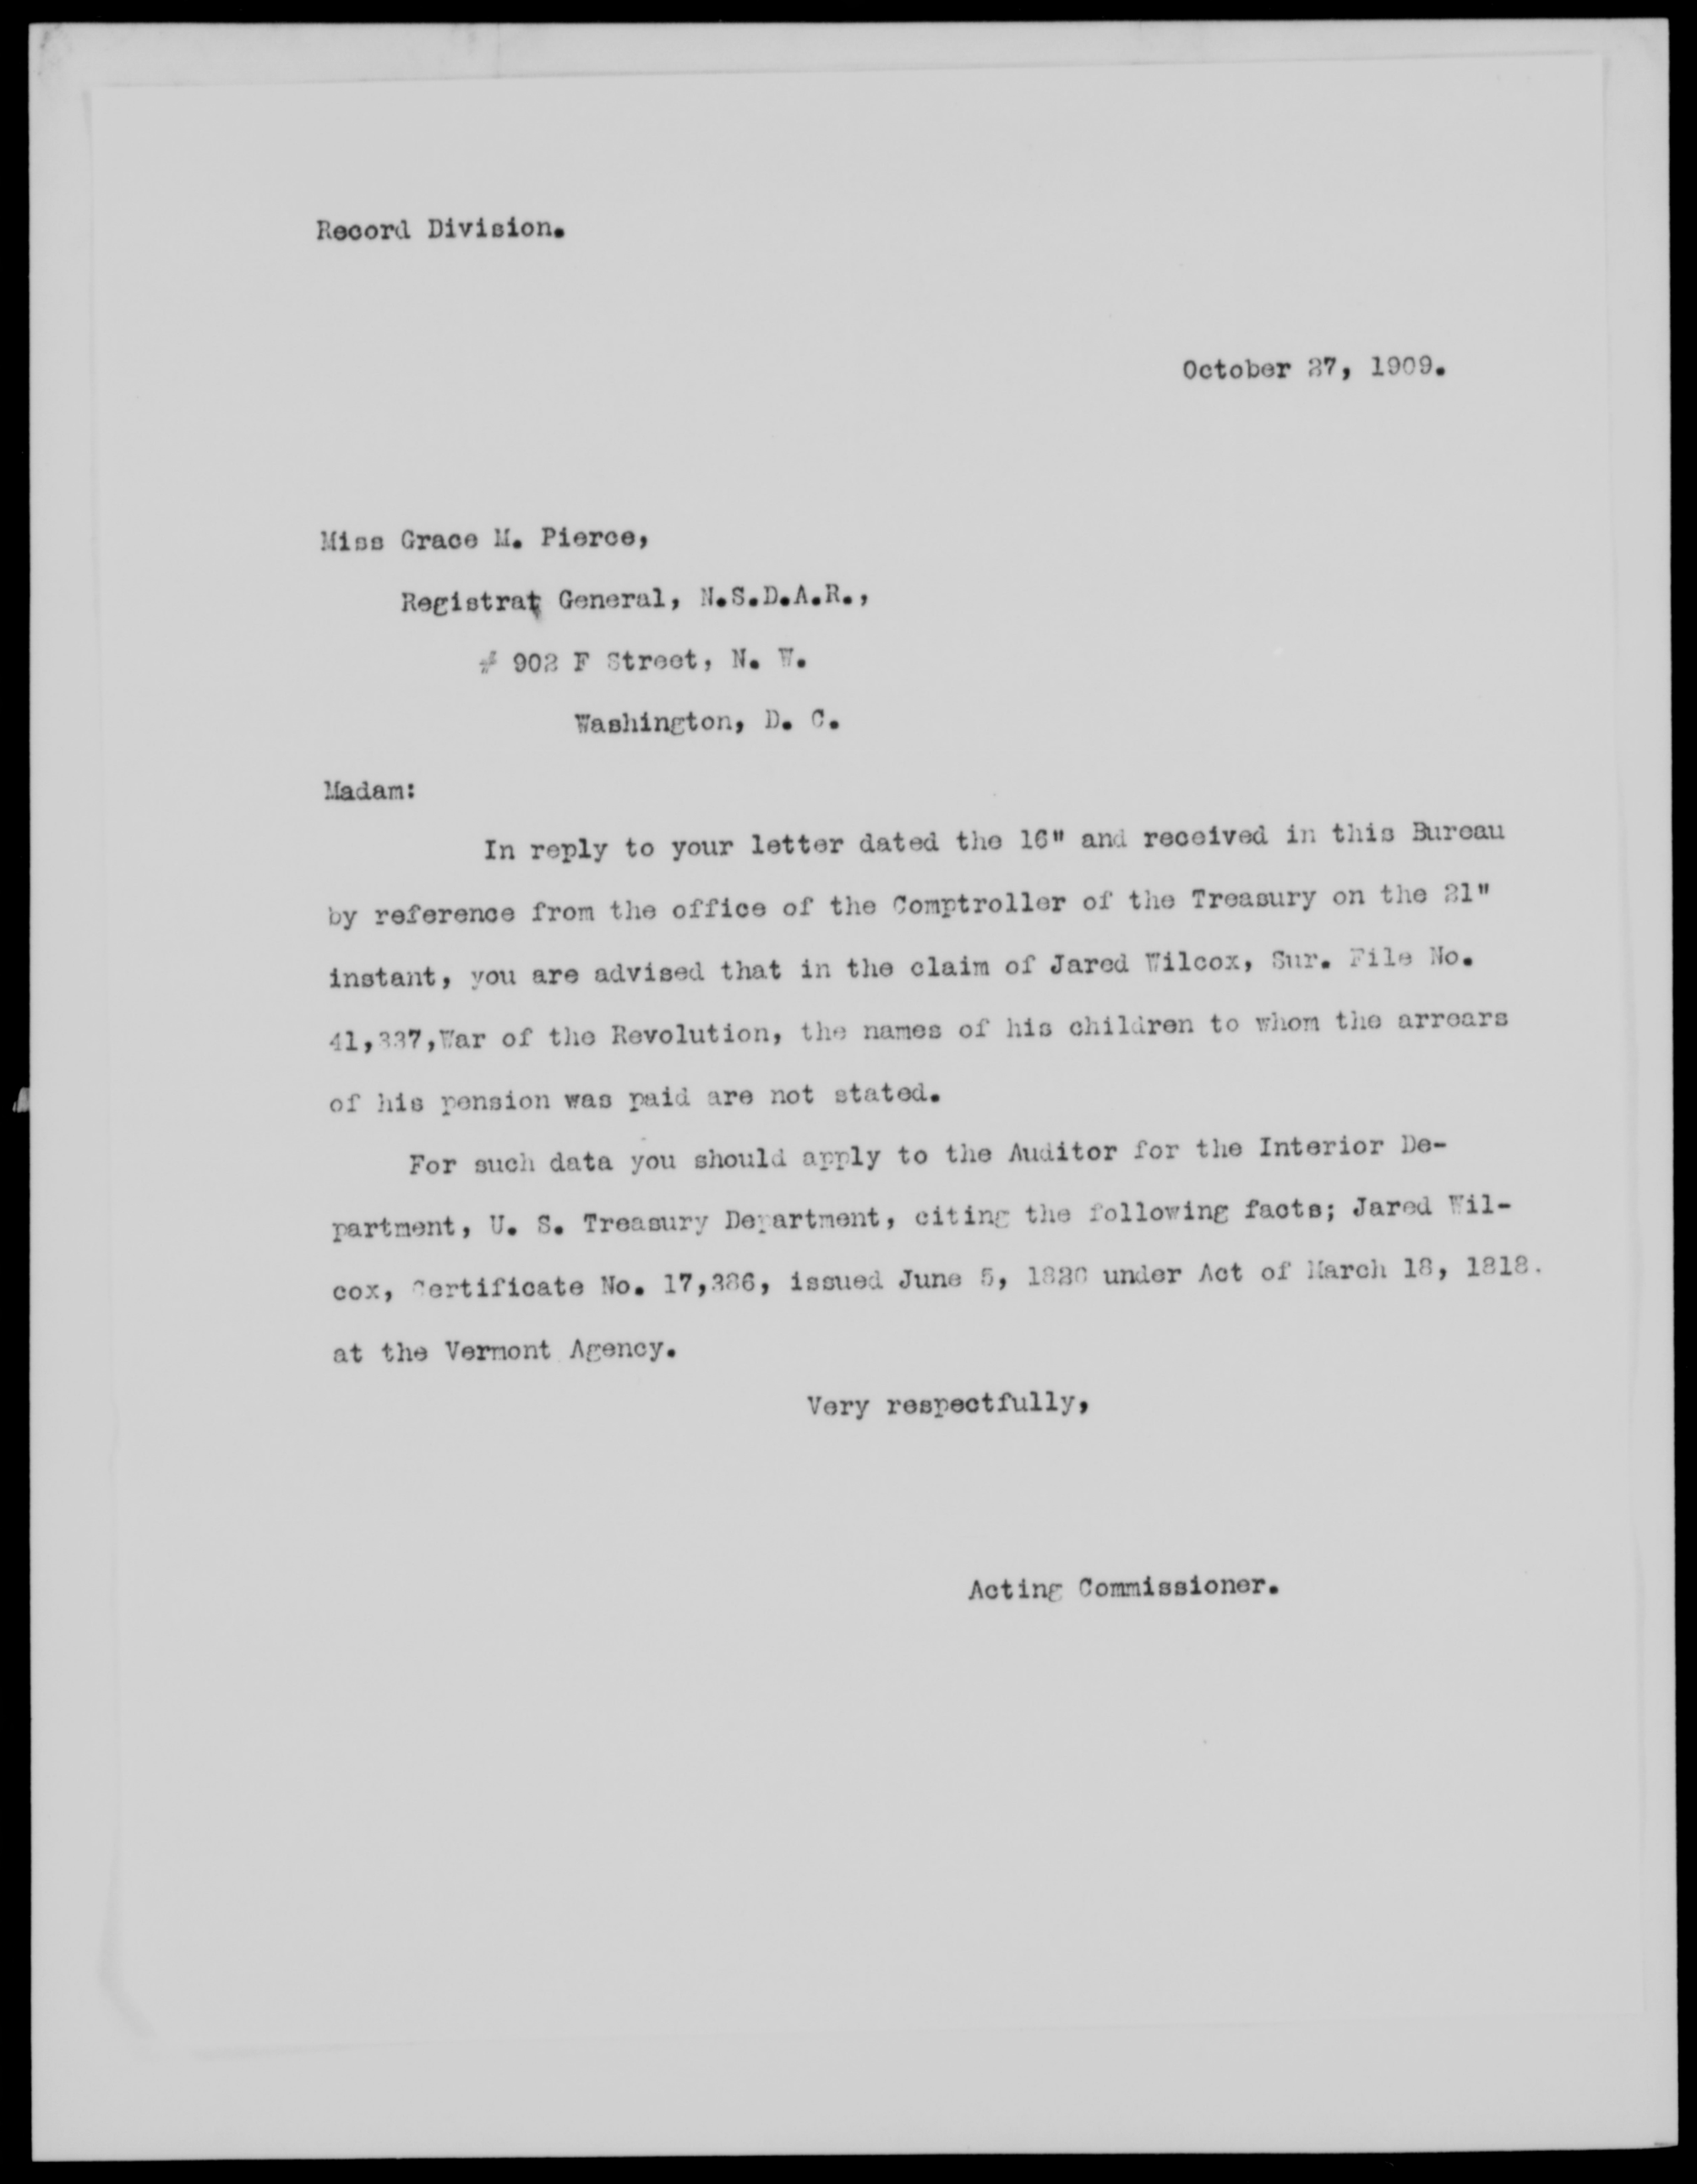October 27, 1909.

Miss Grace M. Pierce,
Registrat General, N.S.D.A.R.,
902 F Street, N.W.
Washington, D.C.

Madam:

In reply to your letter dated the 16" and received in this Bureau
by reference from the office of the Comptroller of the Treasury on the 21" 
instant, you are advised that in the claim of Jared Wilcox, Sur. File No.
41,337, War of the Revolution, the names of his children to whom the arrears
of his pension was paid are not stated.

For such data you should apply to the Auditor for the Interior
Department, U.S. Treasury Department, citing the following facts; Jared Wilcox, 
Certificate No. 17386, issued June 5, 1820 under Act of March 18, 1818,
at the Vermont Agency.

Very respectfully,
(blank)
Acting Commissioner.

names: Jared Wilcox, Grace M Pierce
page: 32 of 34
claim: survivor's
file: S. 41337, Jared Wilcox, Continental Mass.